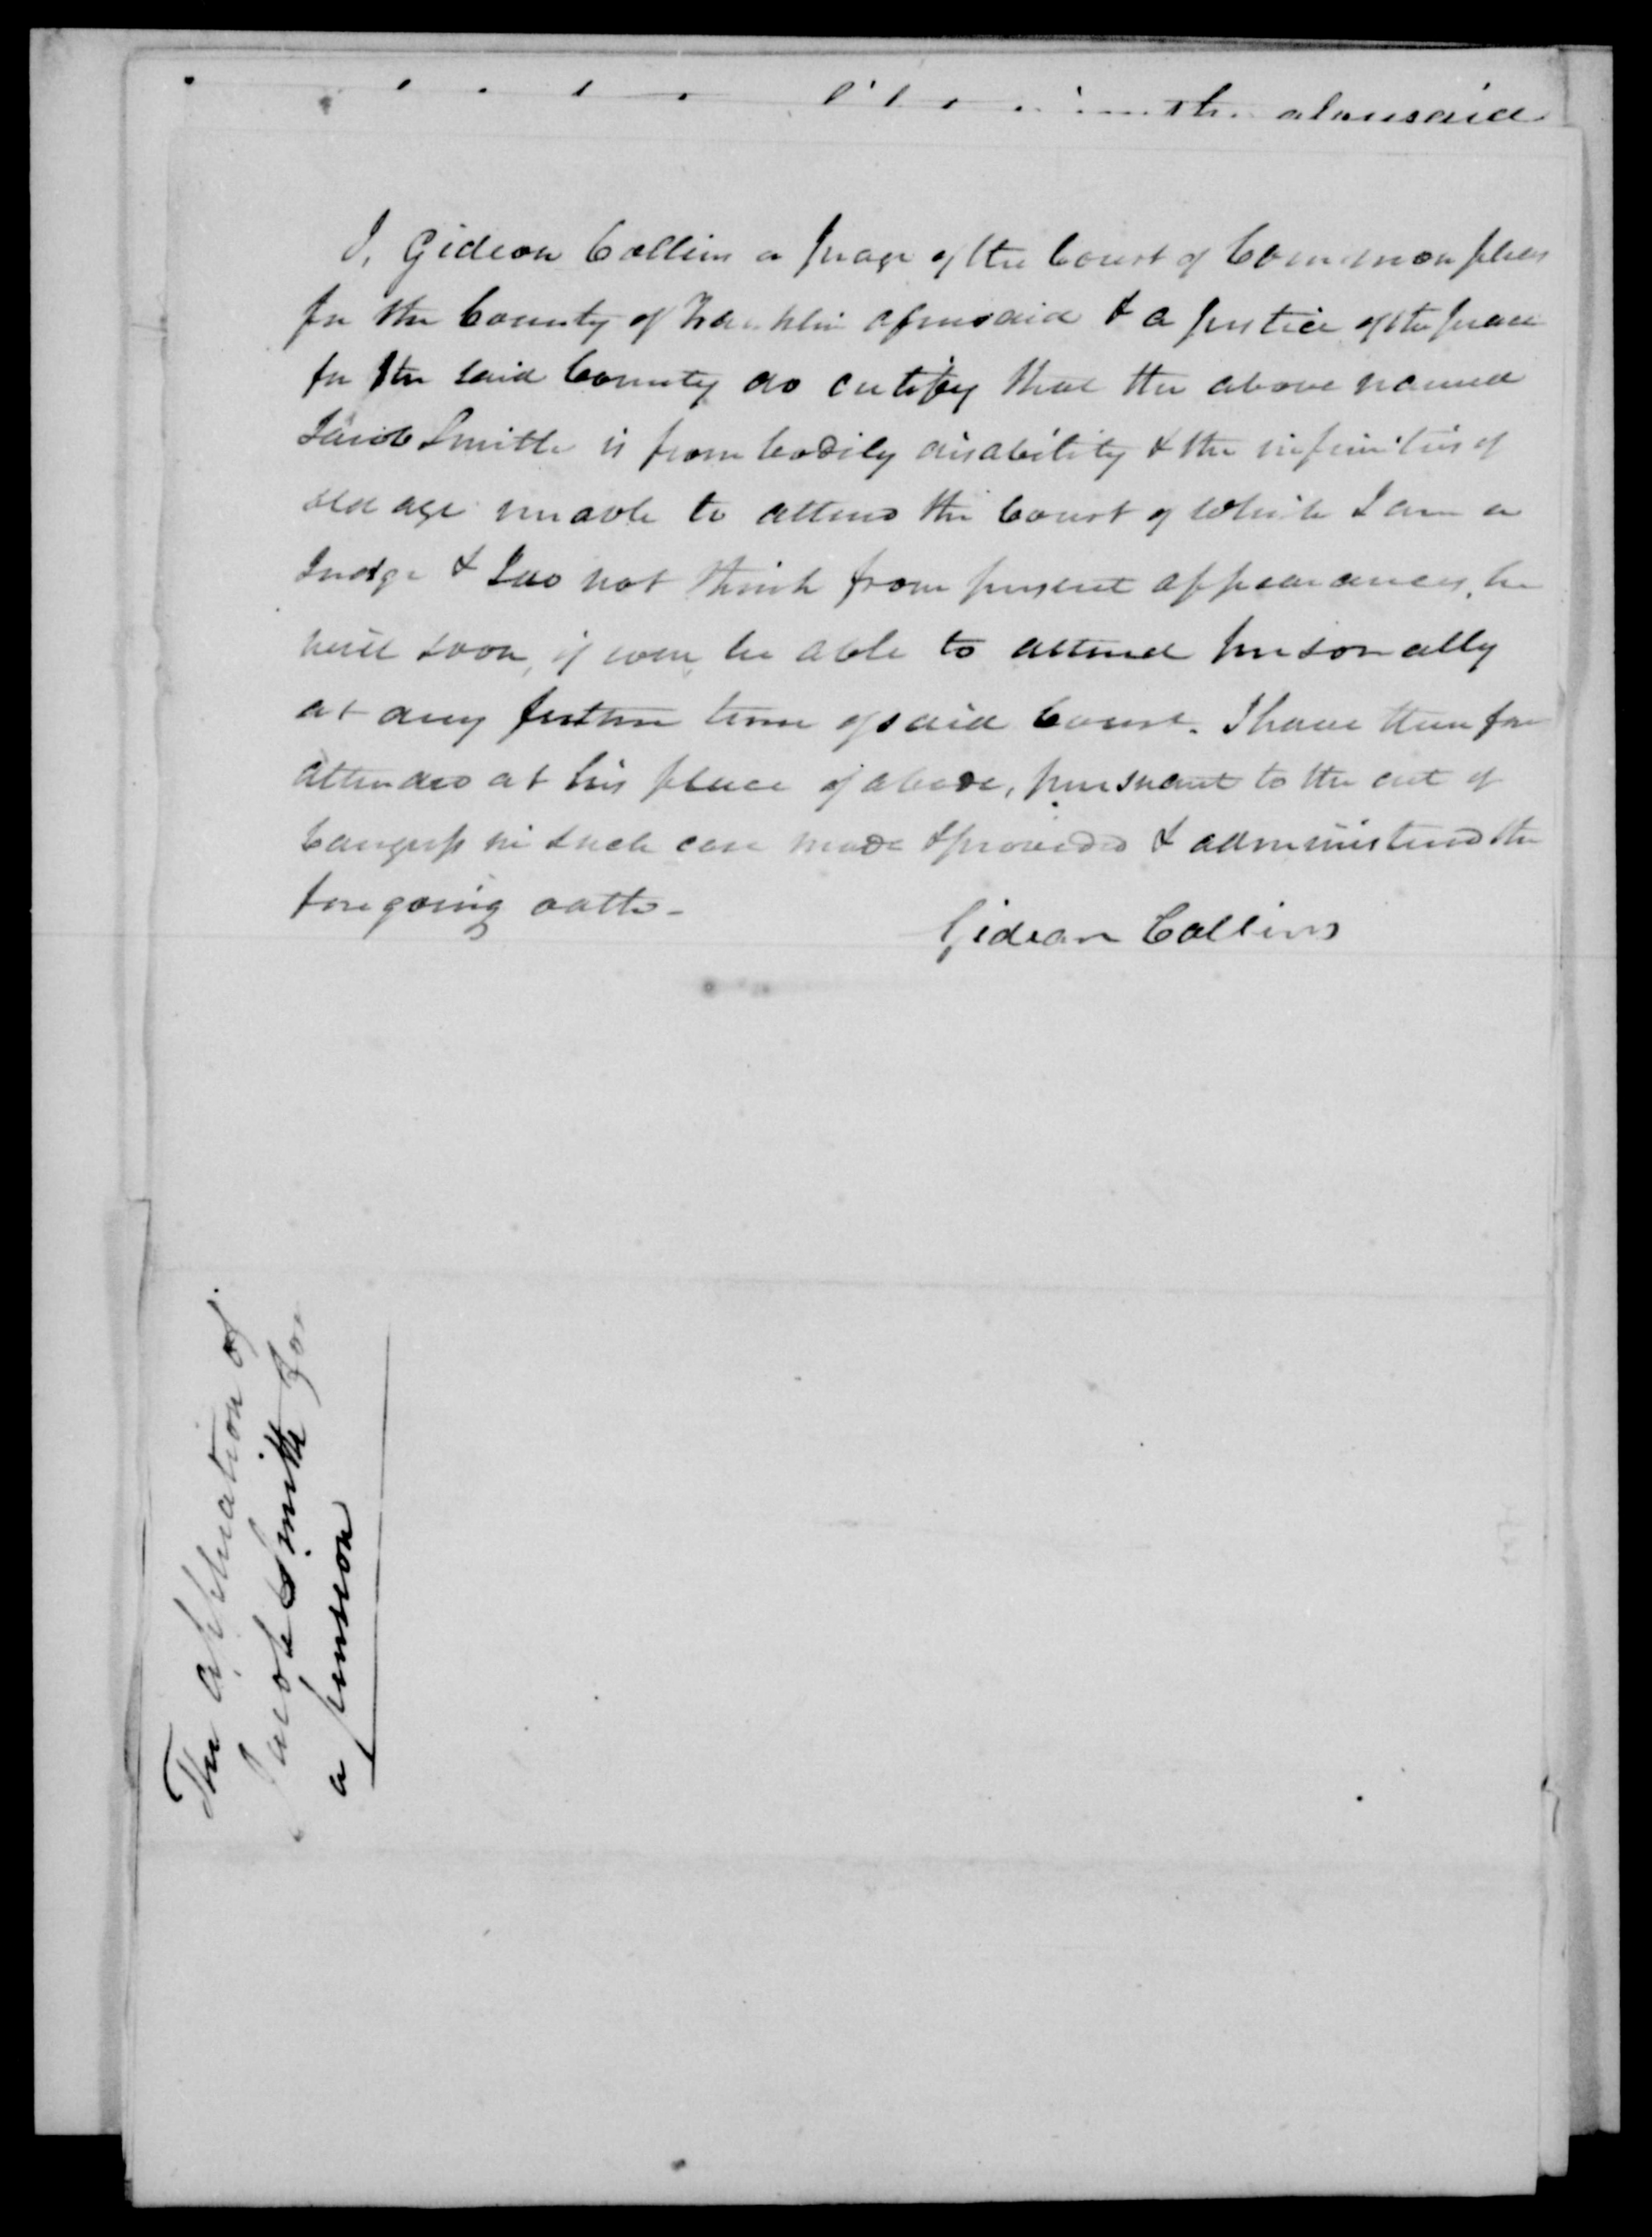I, Gideon Collins a Judge of the Court of Common pleas for the County of Franklin aforesaid & a Justice of the peace for the said County do certify that the above named Jacob Smith is from bodily disability & the infirmities of old age unable to attend the Court of which I am a Judge & I do not think from present appearances, he will soon, if ever be able to attend personally at any further time of said Court. I have therefor attended at his place of abode, pursuant to the act of Congress in such case made & provided & administered the foregoing oath -
Gideon Collins

[The following is written on the bottom half of this record, on the left side of the page, rotated at a 90 degree angle.]

The application of Jacob Smith for a pension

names: Gideon Collins; Jacob Smith; Jacob Smith; Gideon Collins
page: 11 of 15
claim: survivor's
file: S. 43157, for Jacob Smith, Vermont